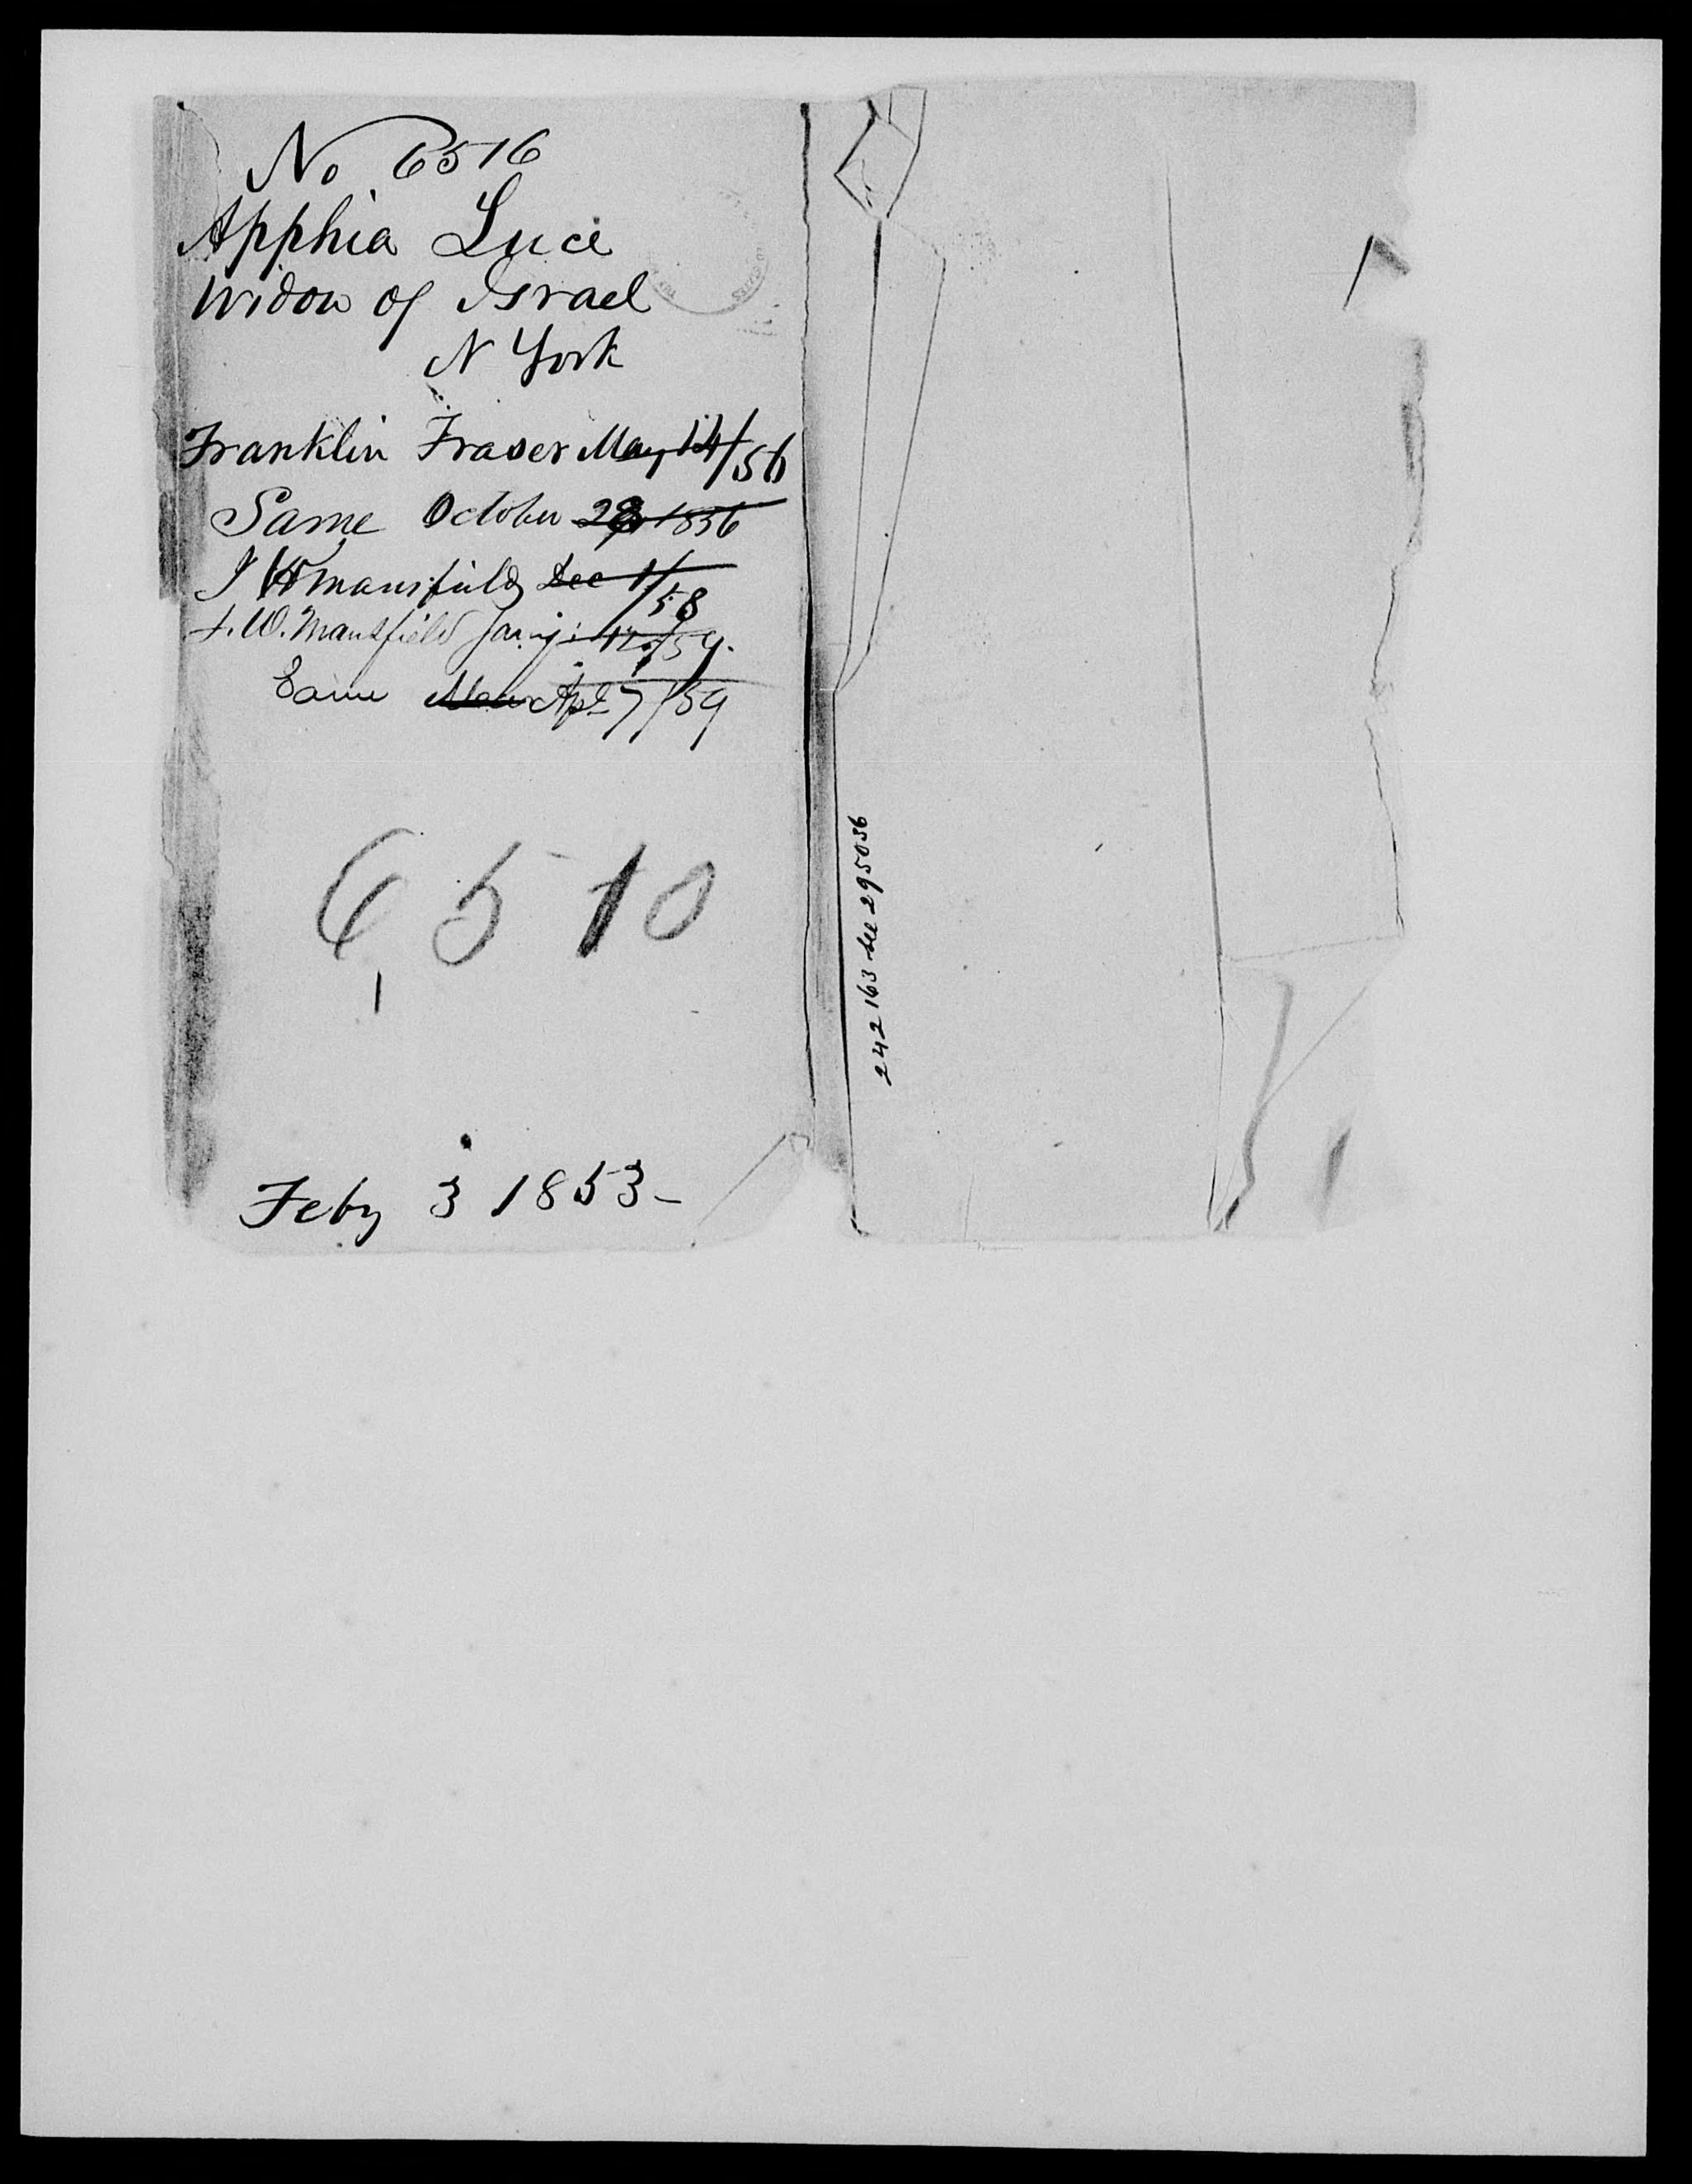No. 6516
Apphia Luce
Widow of Israel
N York

Franklin Fraser May 14/56
Same October 28 1856
J H Mansfield Dec 1/58
J. W. Mansfield Janry 12/59
Same Name Apr 7/59

[all dates crossed out]

6510

Feby 3 1853

[written sideways]
242163 see 205036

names: J W Mansfield; Franklin Fraser; Apphia Luce; Israel Luce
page: 41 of 70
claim: rejected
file: R. 6510, for Israel Luce, New York